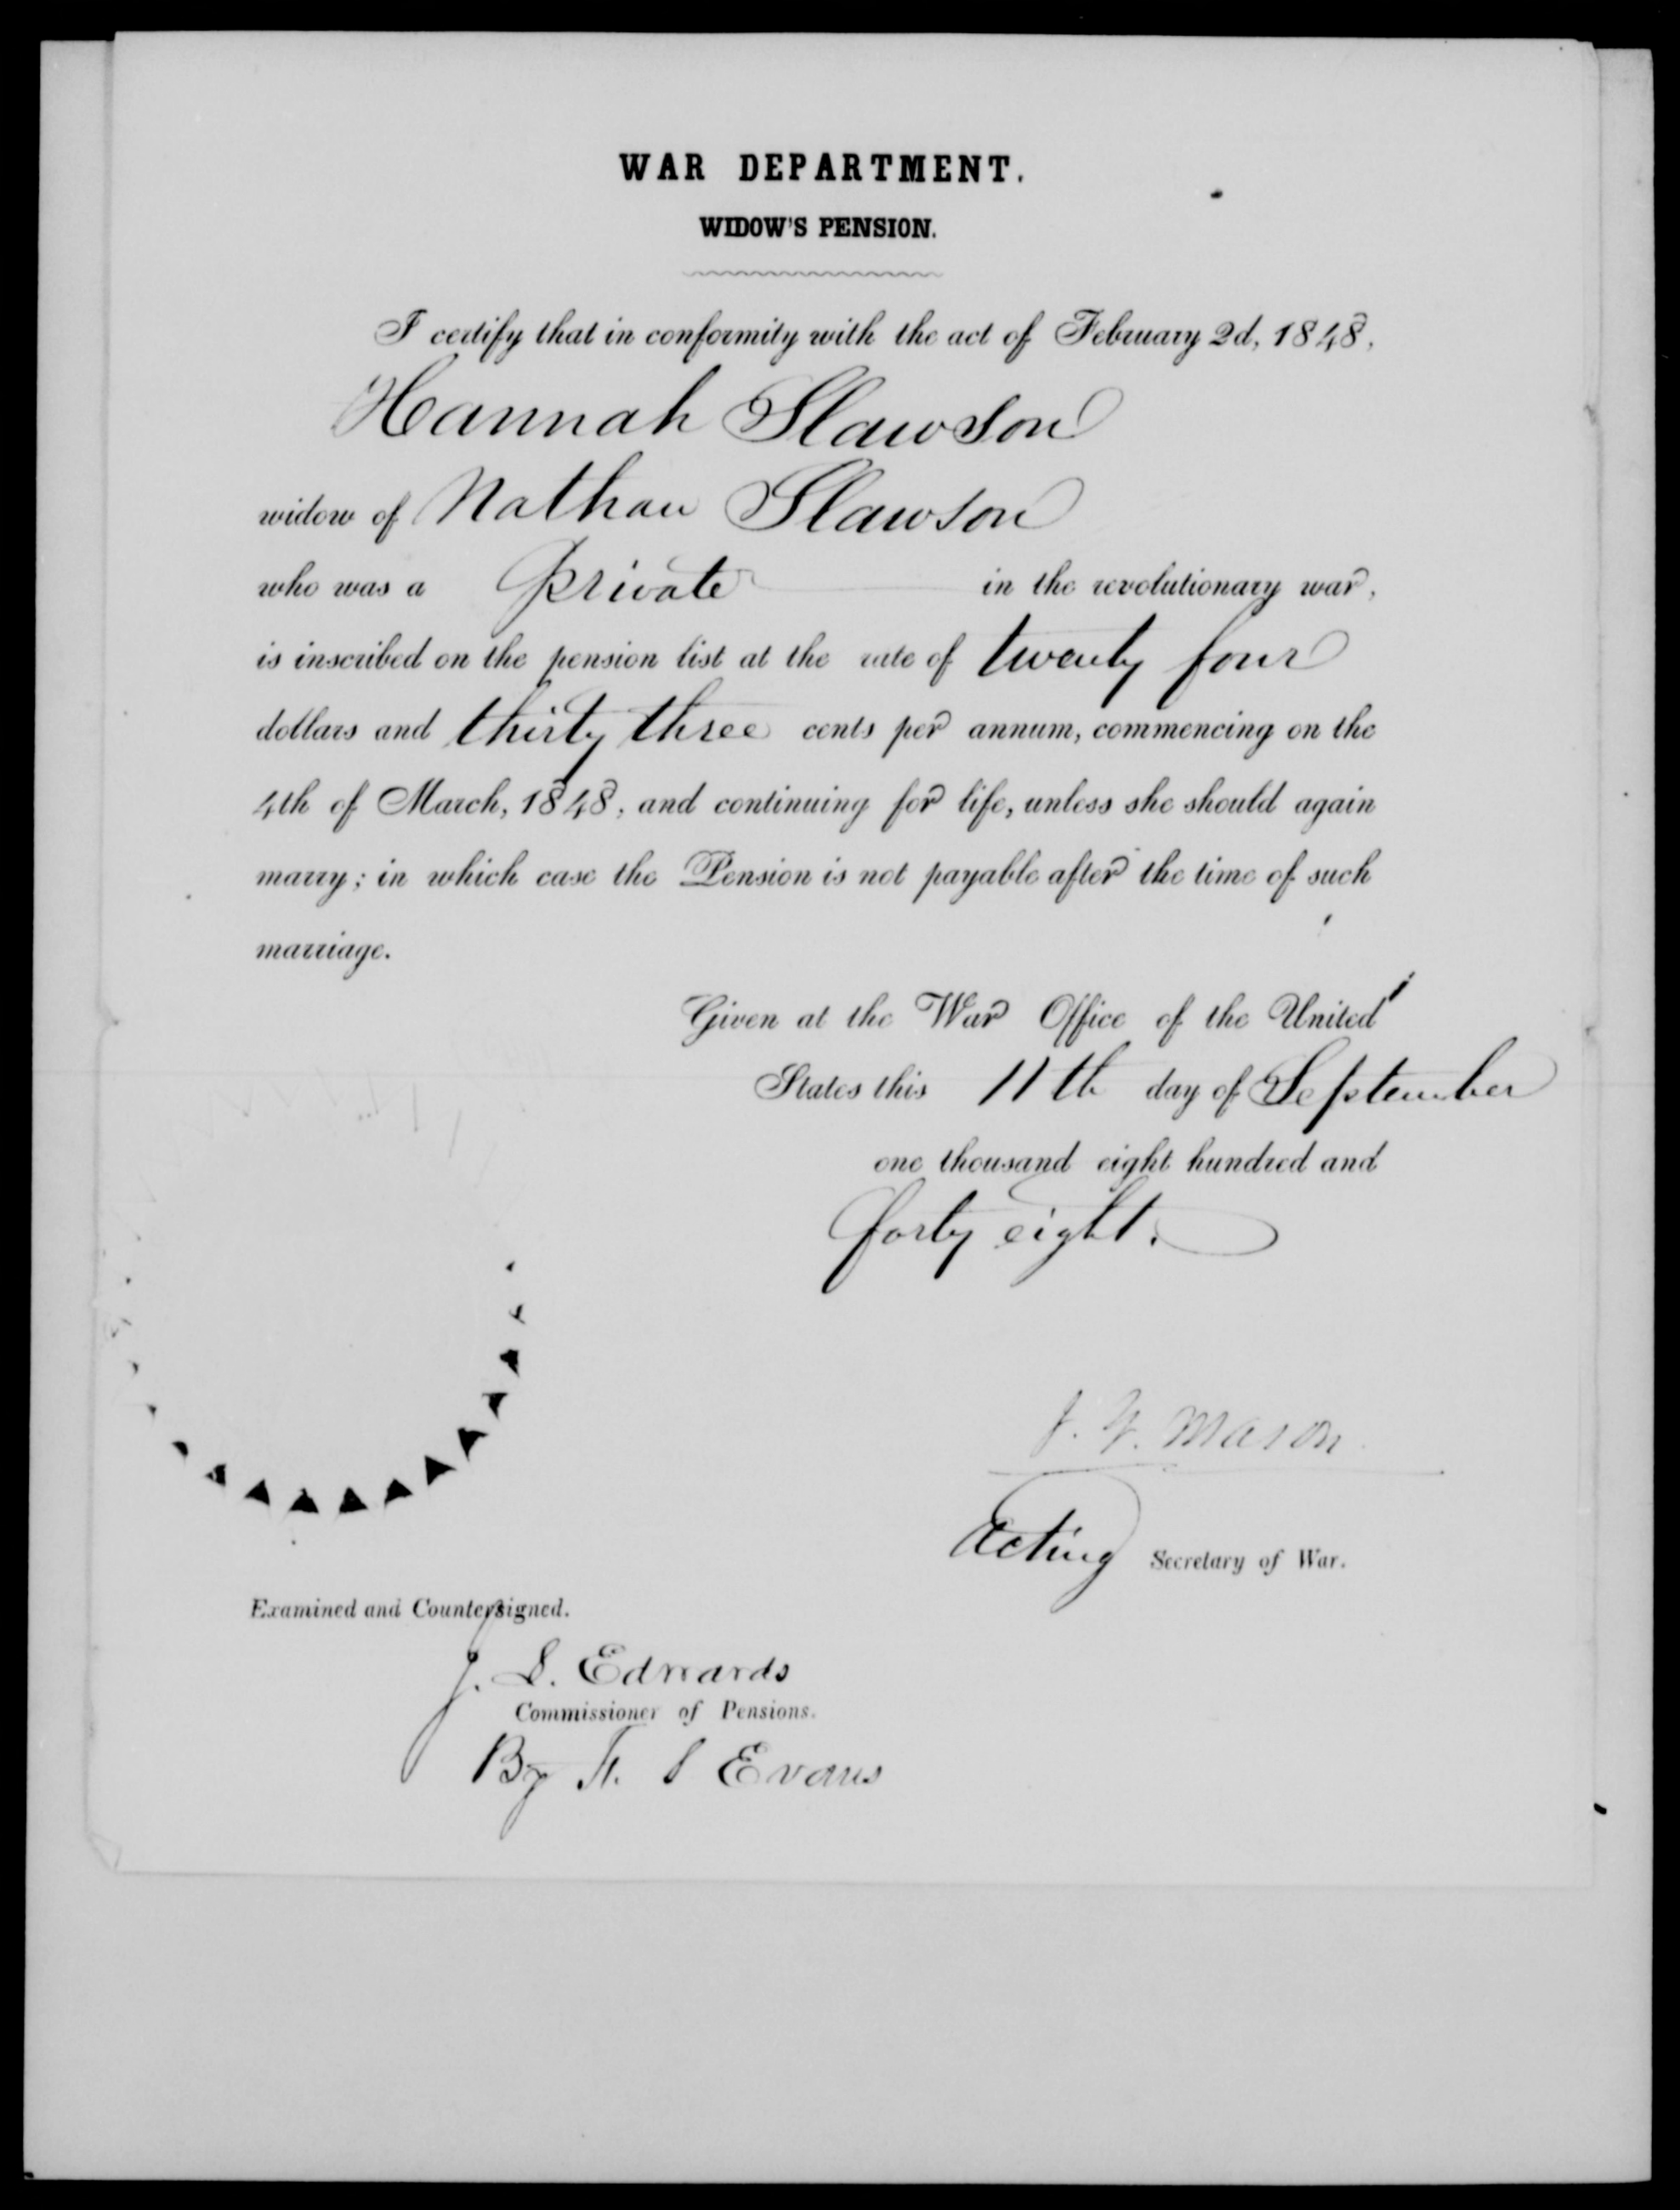WAR DEPARTMENT. 
WIDOW'S PENSION. 
I certify that in conformity with the act of February 2, 1848, Hannah Slawson widow of Nathan Slawson who was a Private in the revolutionary war, is inscribed on the pension list at the rate of twenty four dollars and thirty three cents per annum, commencing on the 4th of March, 1848, and continuing for life, unless she should again marry; in which case the Pension is not payable after the time of such marriage. 
Given at the War Office of the United States this 11th day of September one thousand eight hundred and forty eight  
J. G. Mason 
Acting Secty of War
Examined and Countersigned. J.L. Edwards Commissioner of Pensions. 
By F. S. Evans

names: F S Evans; J Y Mason; Nathan Slawson; J L Edwards; Hannah Slawson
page: 60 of 87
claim: widow's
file: W. 22,226, for Nathan Slawson, Connecticut